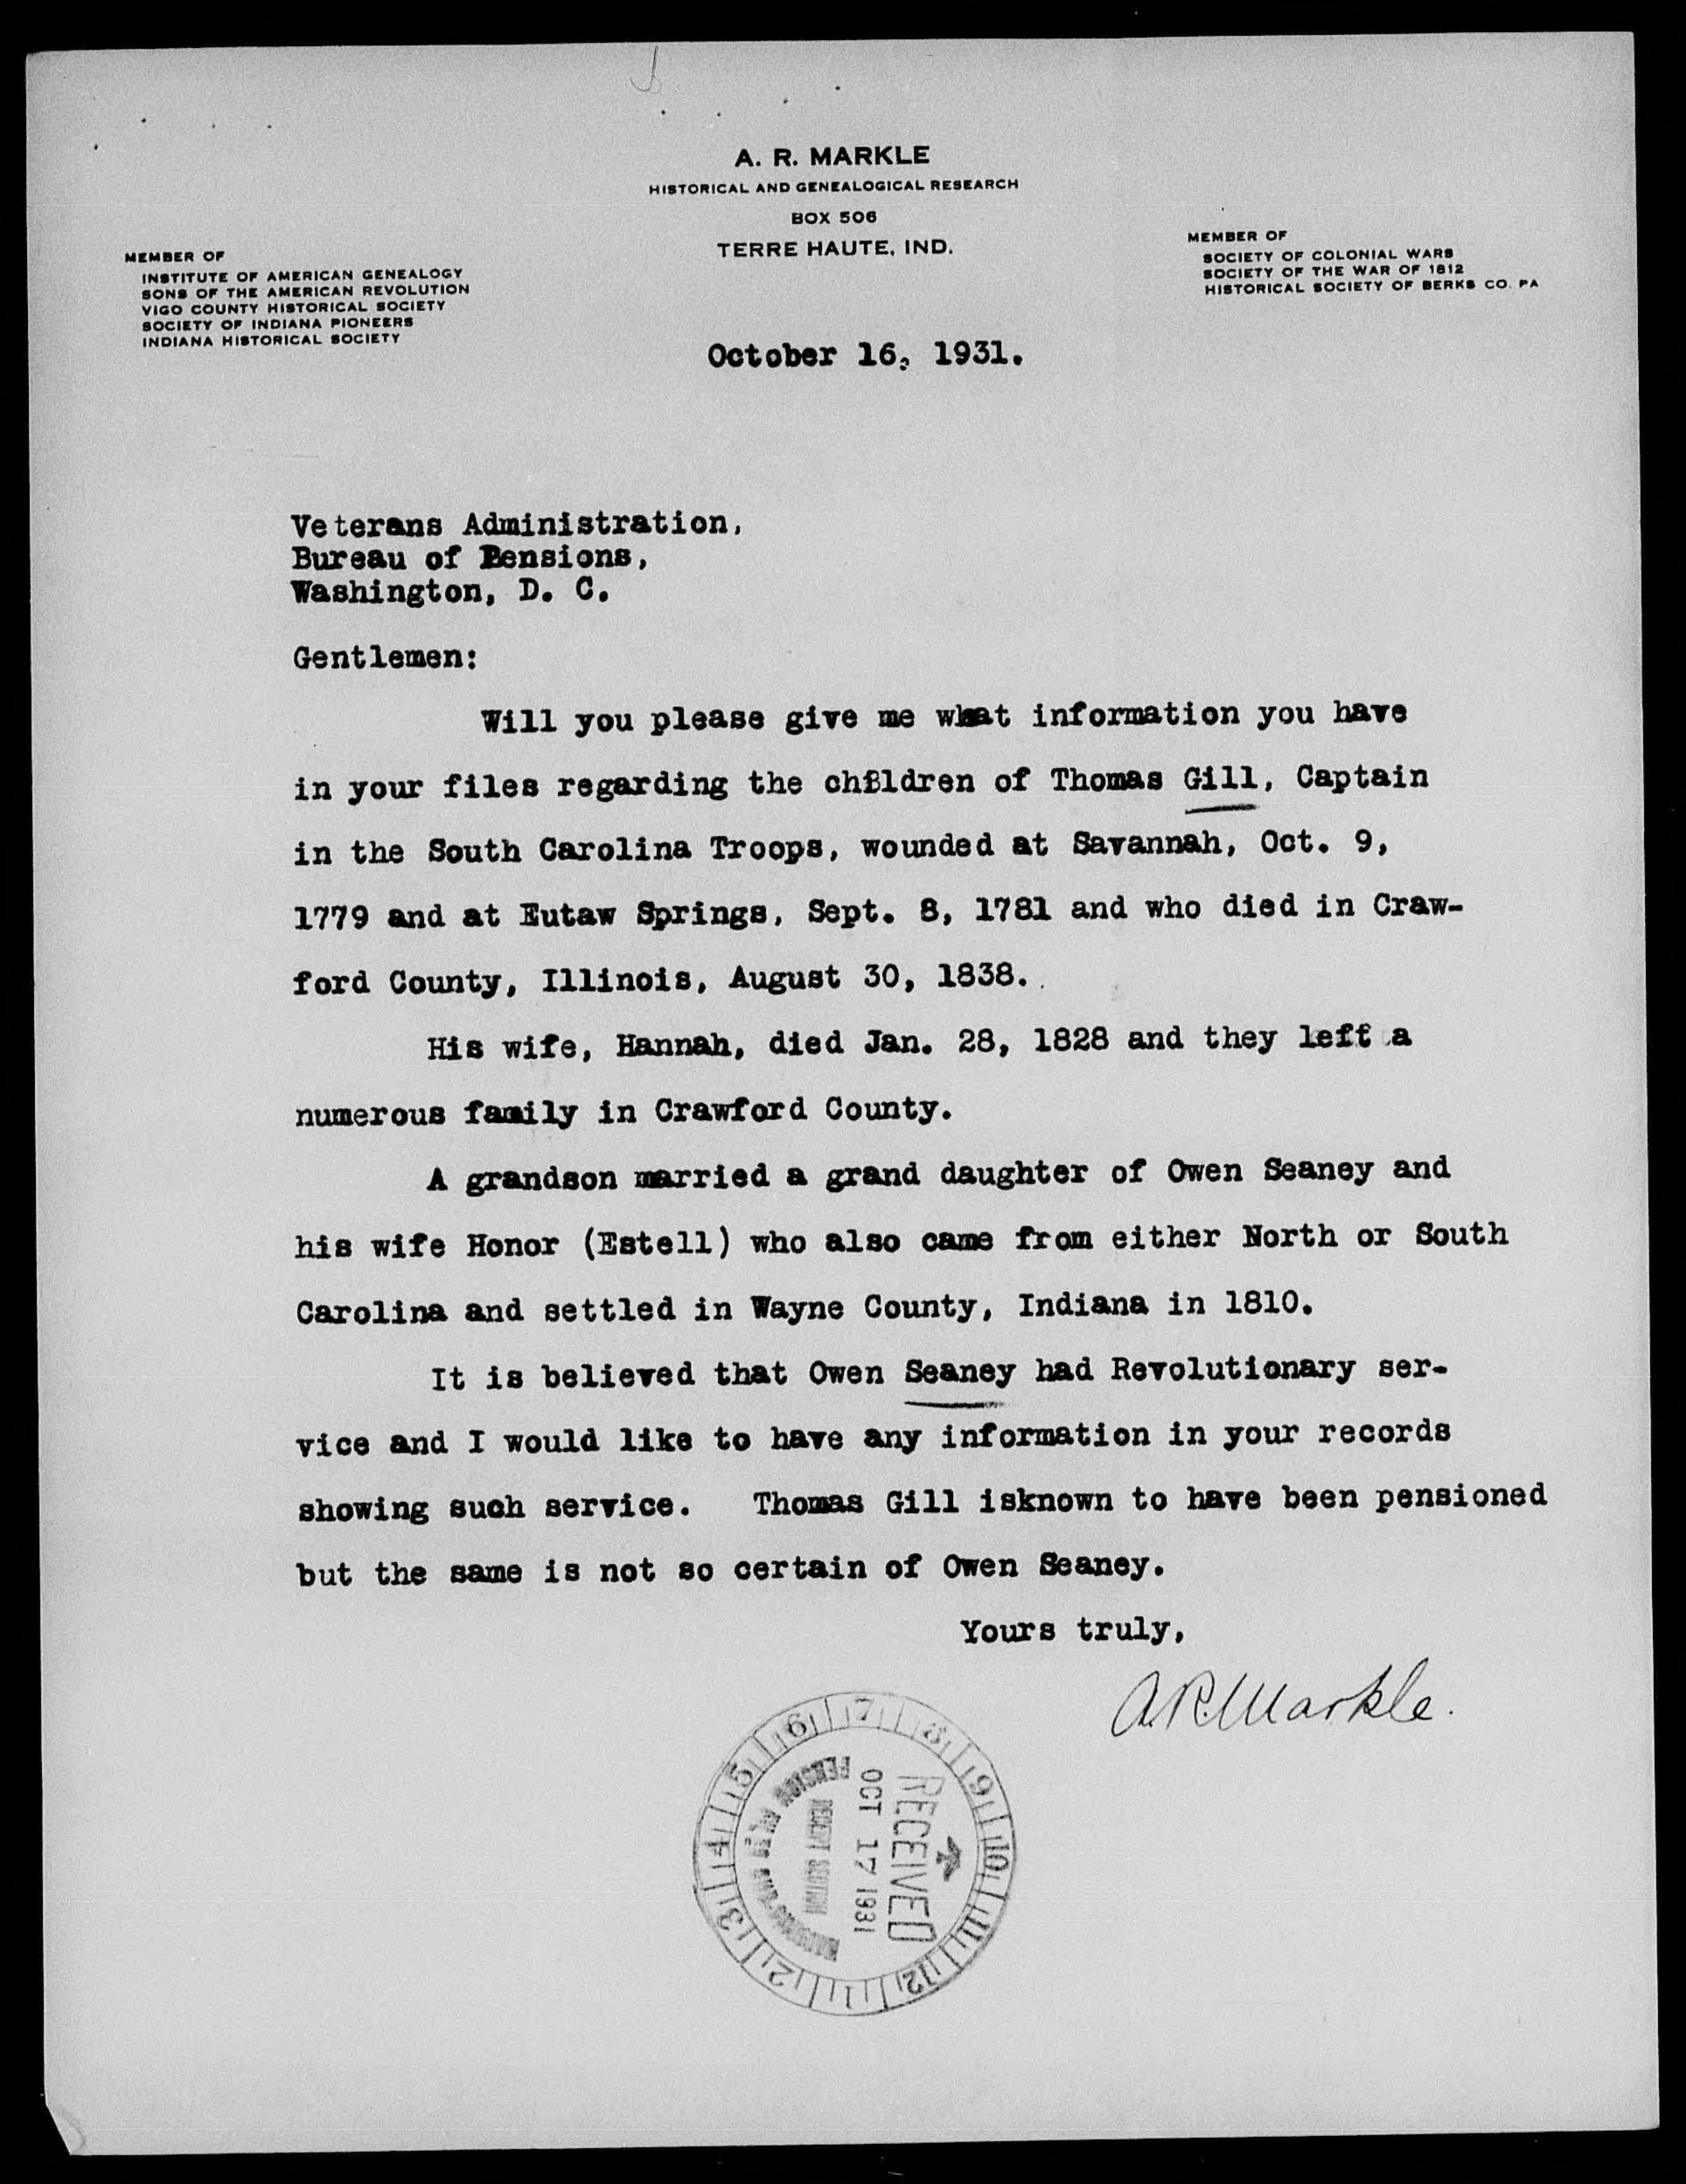A. R. MARKLE
HISTORICAL AND GENEALOGICAL RESEARCH BOX506
TERRE HAUTE, IND.
October 16, 1931.
Veterans Administration,
Bureau of Pensions,
Washington, D. C.
Gentlemen: Will you please give me what information you have
in your files regarding the children of Thomas Gill, Captain in the South Carolina Troops, wounded at Savannah, Oct. 9, 1779 and at Eutaw Springs, Sept. 8, 1781 and who died in Crawford County, Illinois, August 30, 1838.
His wife, Hannah, died Jan. 28, 1828 and they left a numerous family in Crawford County. A grandson married a grand daughter of Owen Seaney and his wife Honor ( Estell ) who also came from either North or South Carolina and settled in Wayne County, Indiana in 1810.
It is believed that Owen Seaney had Revolutionary service and I would like to have any information in your records showing such service. Thomas Gill is known to have been pensioned but the same is not so certain of Owen Seaney,
Yours truly, s/ AR Markle

OCT 17 1931
RECEIVED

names: A R Markle, Owen Seaney, Hannah, Owen Seaney, A R Markle, Thomas Gill, Thomas Gill, Estell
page: 41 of 44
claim: survivor's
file: S. 31,061, Thomas Gill, S.C.